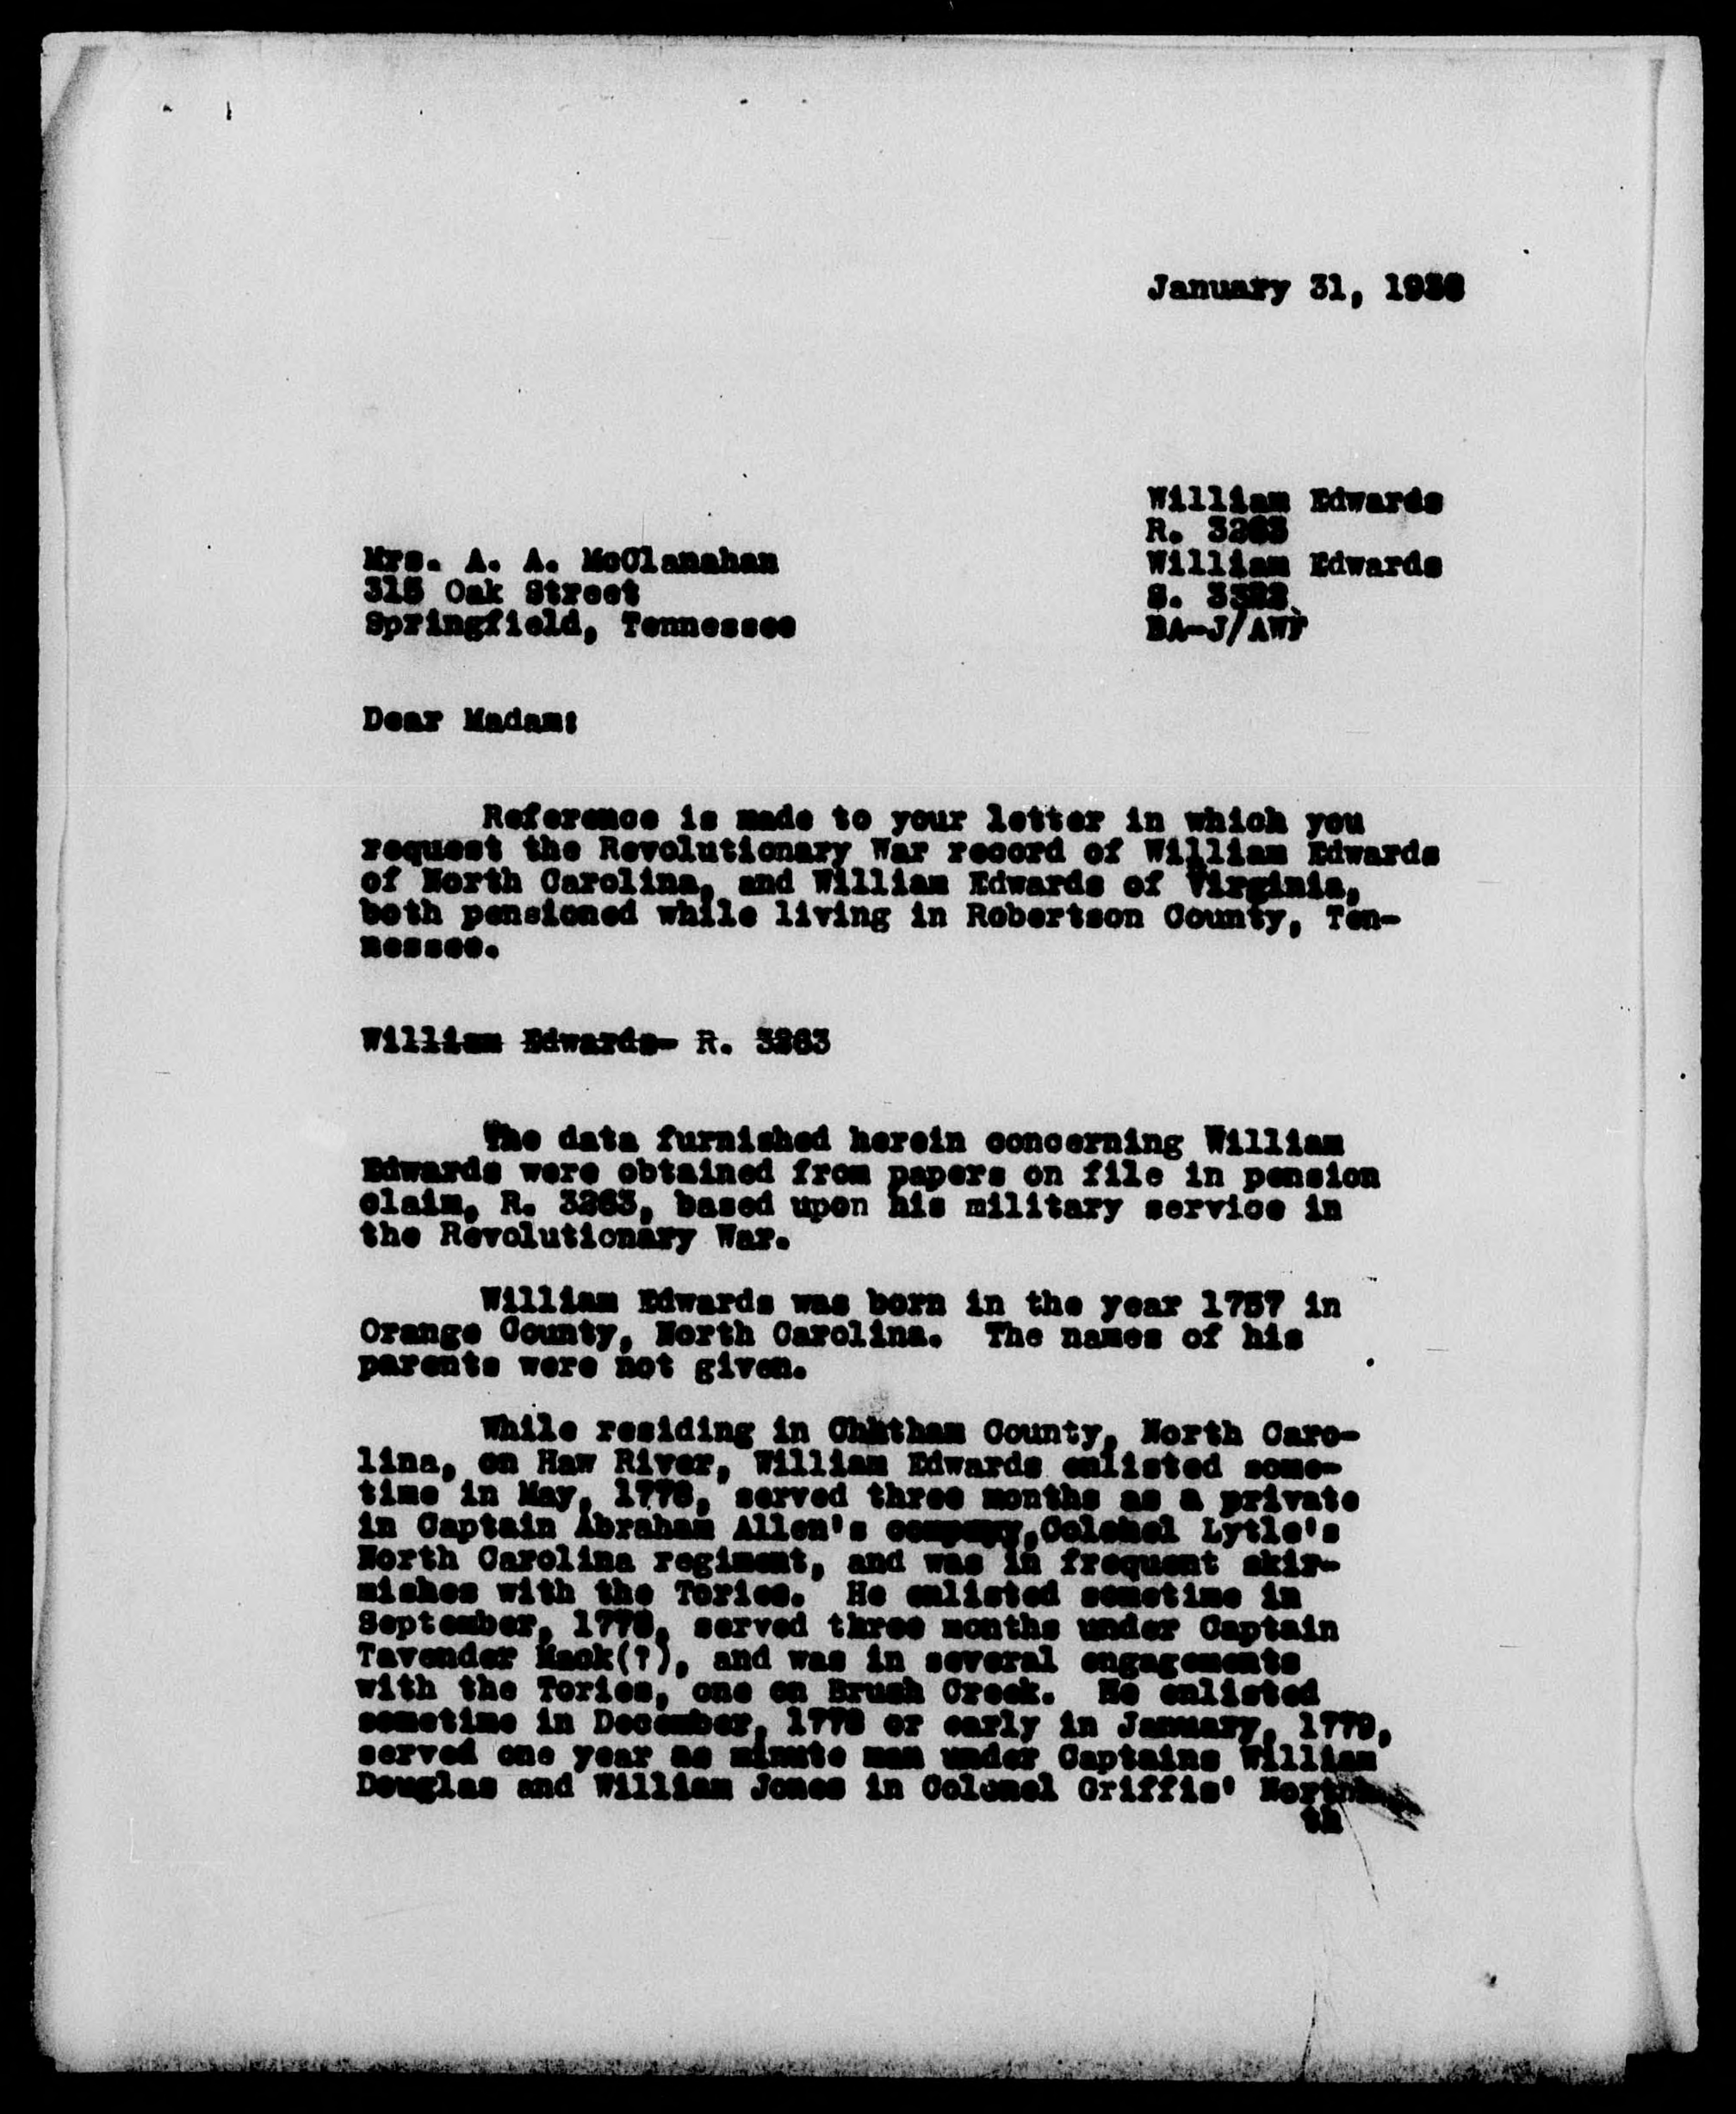January 31, 1936

William Edwards
R. 3263
William Edwards
S. 3322
BA-J/AWF

Mrs. A. A. McClanahan
315 Oak Street
Springfield, Tennessee

Dear Madam:

Reference is made to your letter in which you request the Revolutionary War record of William Edwards of North Carolina, and William Edwards of Virginia, both pensioned while living in Robertson County, Tennessee.

William Edwards R. 3263

The data furnished herein concerning William Edwards were obtained from papers on file in pension claim, R. 3263, based upon his military service in the Revolutionary War.

William Edwards was born in the year 1757 in Orange County, North Carolina. The names of his parents are not given.

While residing in Chatham County, North Carolina, on Haw River, William Edwards enlisted sometime in May, 1778, served three months as a private in Captain Abraham Allen's company, Colonel Lytle's North Carolina regiment, and was in frequent skirmishes with the Tories. He enlisted sometime in September 1778, served three months under Captain Tavender Mack(?), and was in several engagements with the Tories, one on Brush Creek. He enlisted sometime in December, 1778 or early in January, 1779, served one year as minute man under Captains William Douglas and William Jones in Colonel Griffis' North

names: William Edwards, William Edwards, William Edwards, Tavender Mack, William Edwards, William Edwards, William Edwards, A A Mc Clanahan, William Edwards, William Jones, William Douglas, William Edwards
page: 25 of 47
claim: survivor's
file: S. 3,322, William Edwards, Va.